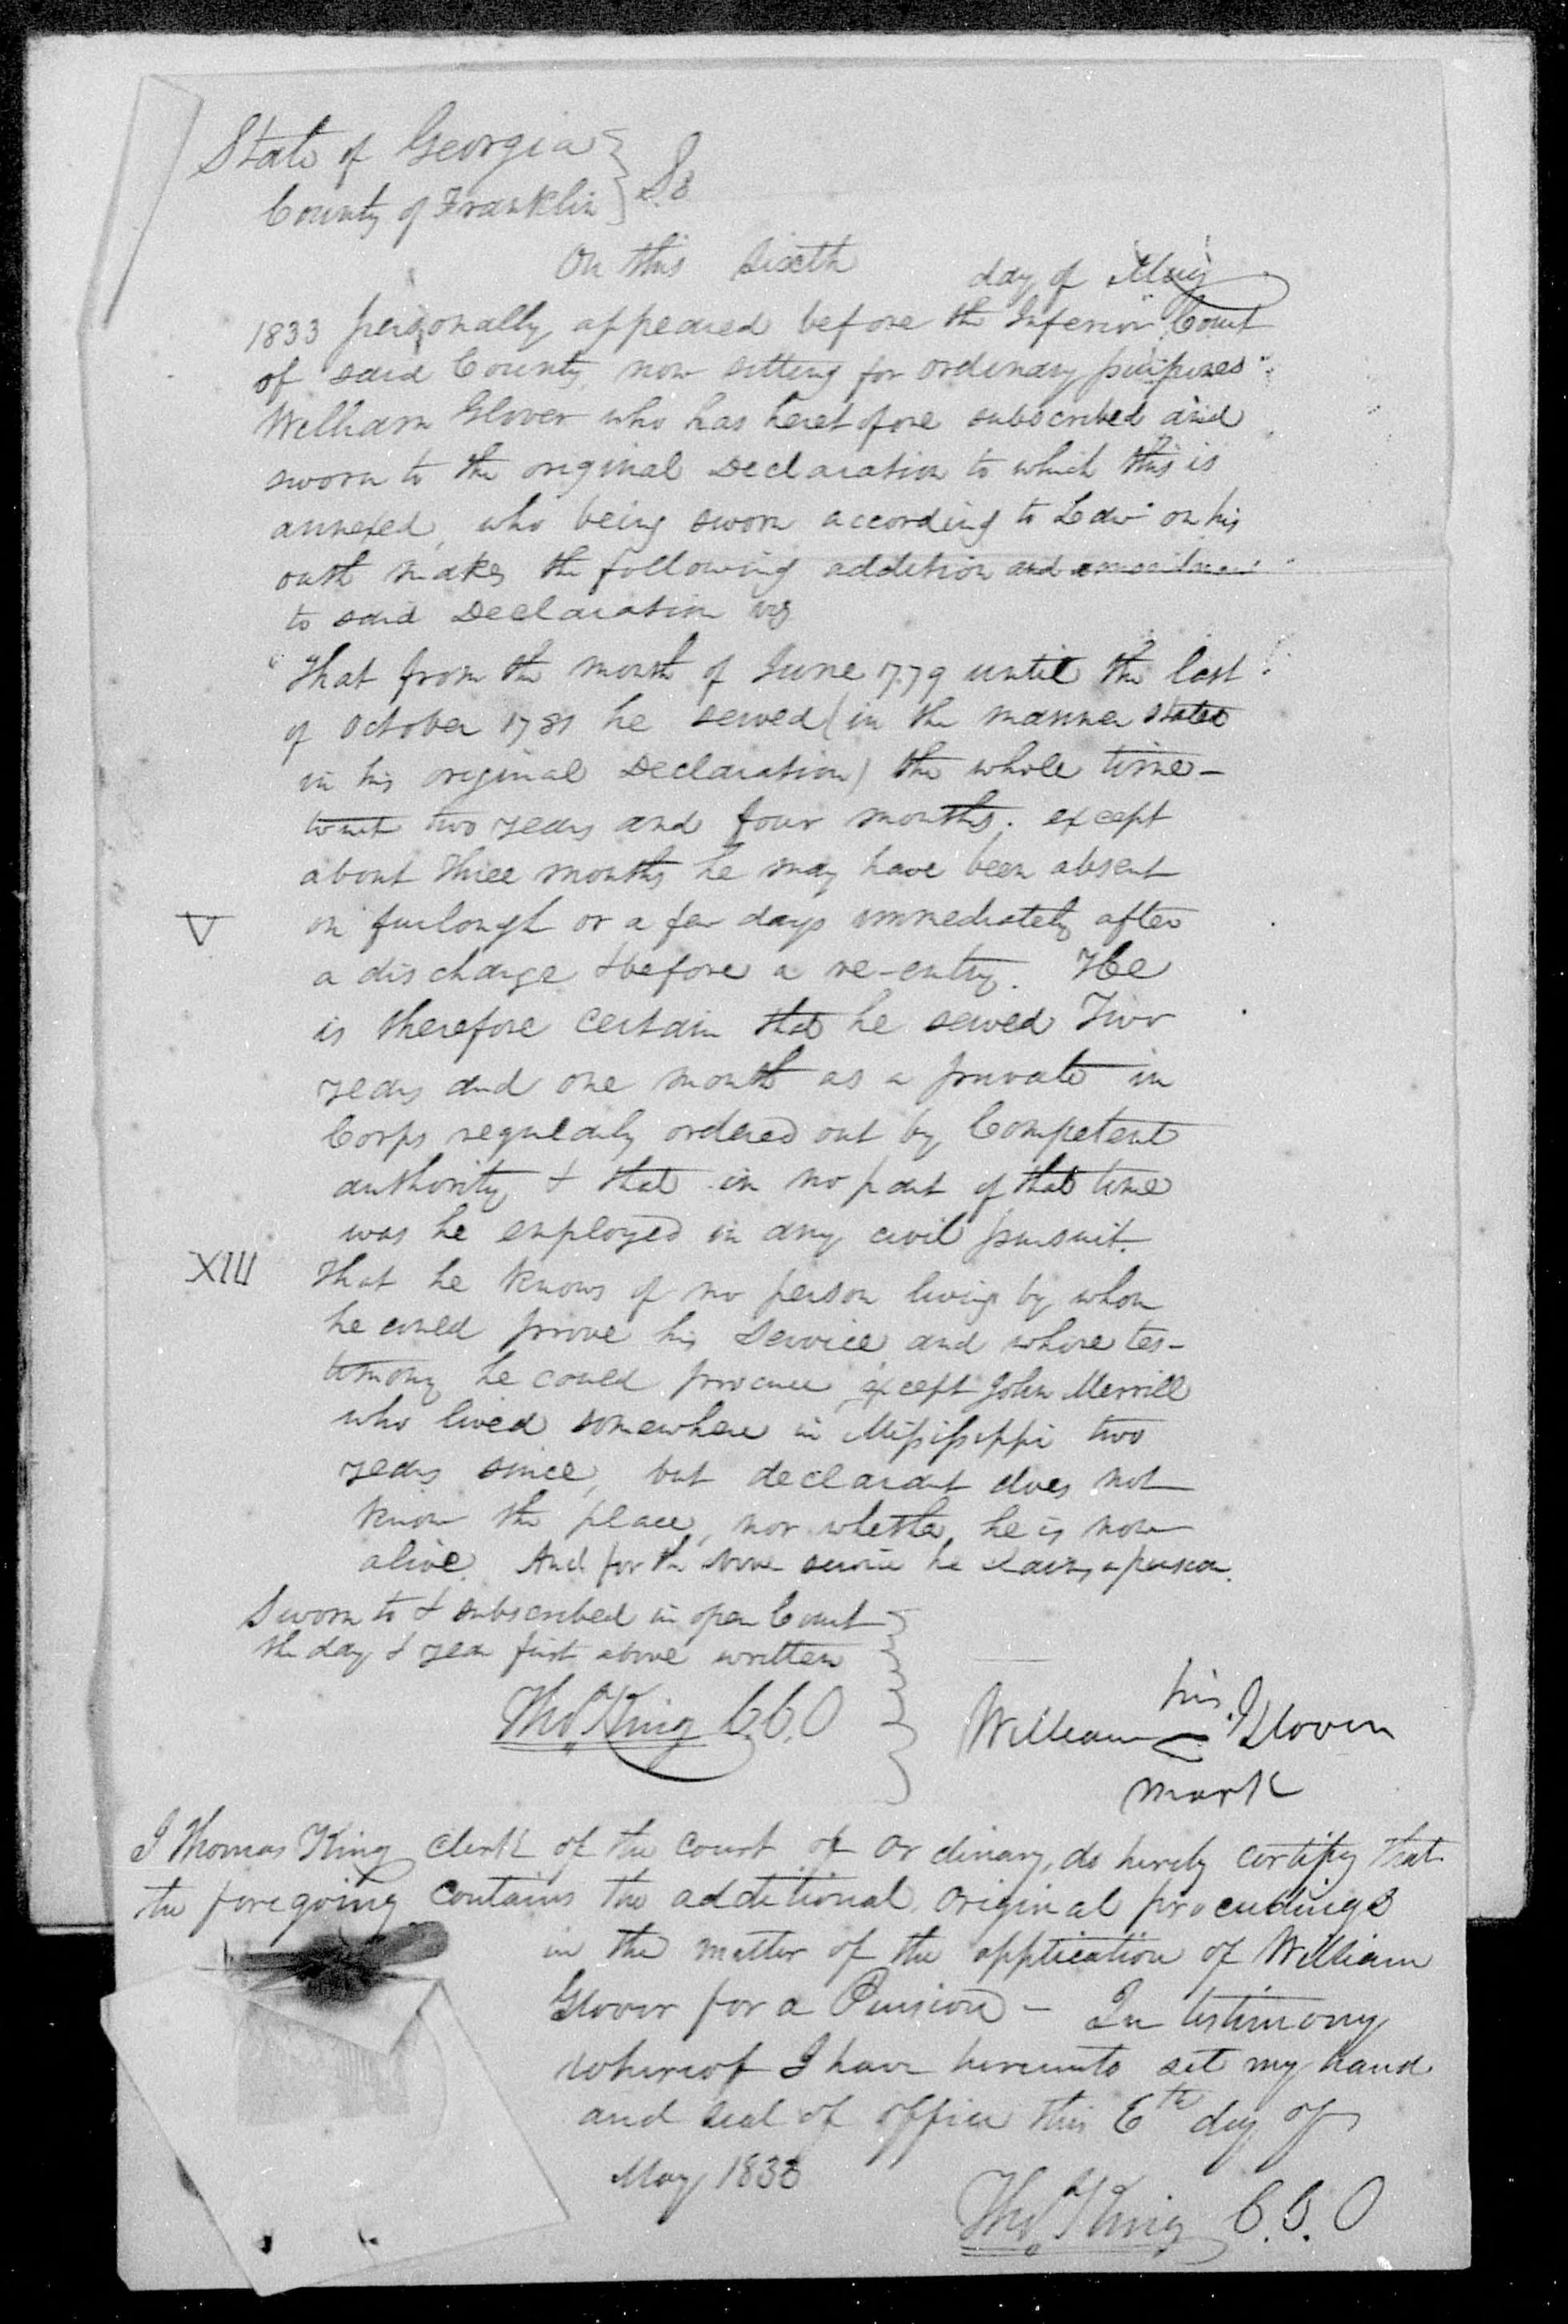State of Georgia
County of Franklin} S.S.

On this sixth day of May 1833 personally appearedhis  before the Inferior Court of said County, now sitting for ordinary purposes William Glover who has herefore subscribed and sworn to the original Declaration to which this is annexed who being sworn according to Law on his oath makes the following addition and [illegible] to and Declaration of 
That from the month of June 1779 until the last of October 1781 he served in the manna states in his original Declaration; the whole time-
what two years and four months. except about three months he may have been absent on furlough or a few days immediately after a discharge before a re-entry. He is therefore certain that he served Two years and one month as a private in corps regularly ordered out by Competent authority & that in no part of that time was he employed in any civil pursuit. 
That he knows of no person living by whom he could prove his service and where testimony he could produce a cert John Merrill who lived somewhere in Mississippi two years since [illegible] declared does not know the place, nor whether he is now alive. And for [illegible] prove service he lacks a [illegible].

Sworn to & subscribed in open Court}
the day of year first above written}
Thos King I.C.O}              his 
                             William ^Glover
                                         mark

Thomas King Clerk of the court of ordinary do herby certify that the foregoing contains the additional original proceedings in the matter of the application of William Glover for a Pension-In testimony whereof I have hereunto sit my hand and seal of office this 6th day of May 1833.

Thos King I.C.O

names: Thomas King, William Glover, William Glover, John Merrill, Thos King, William Glover, Thos King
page: 38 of 51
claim: widow's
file: W. 929, William Glover, N.C.